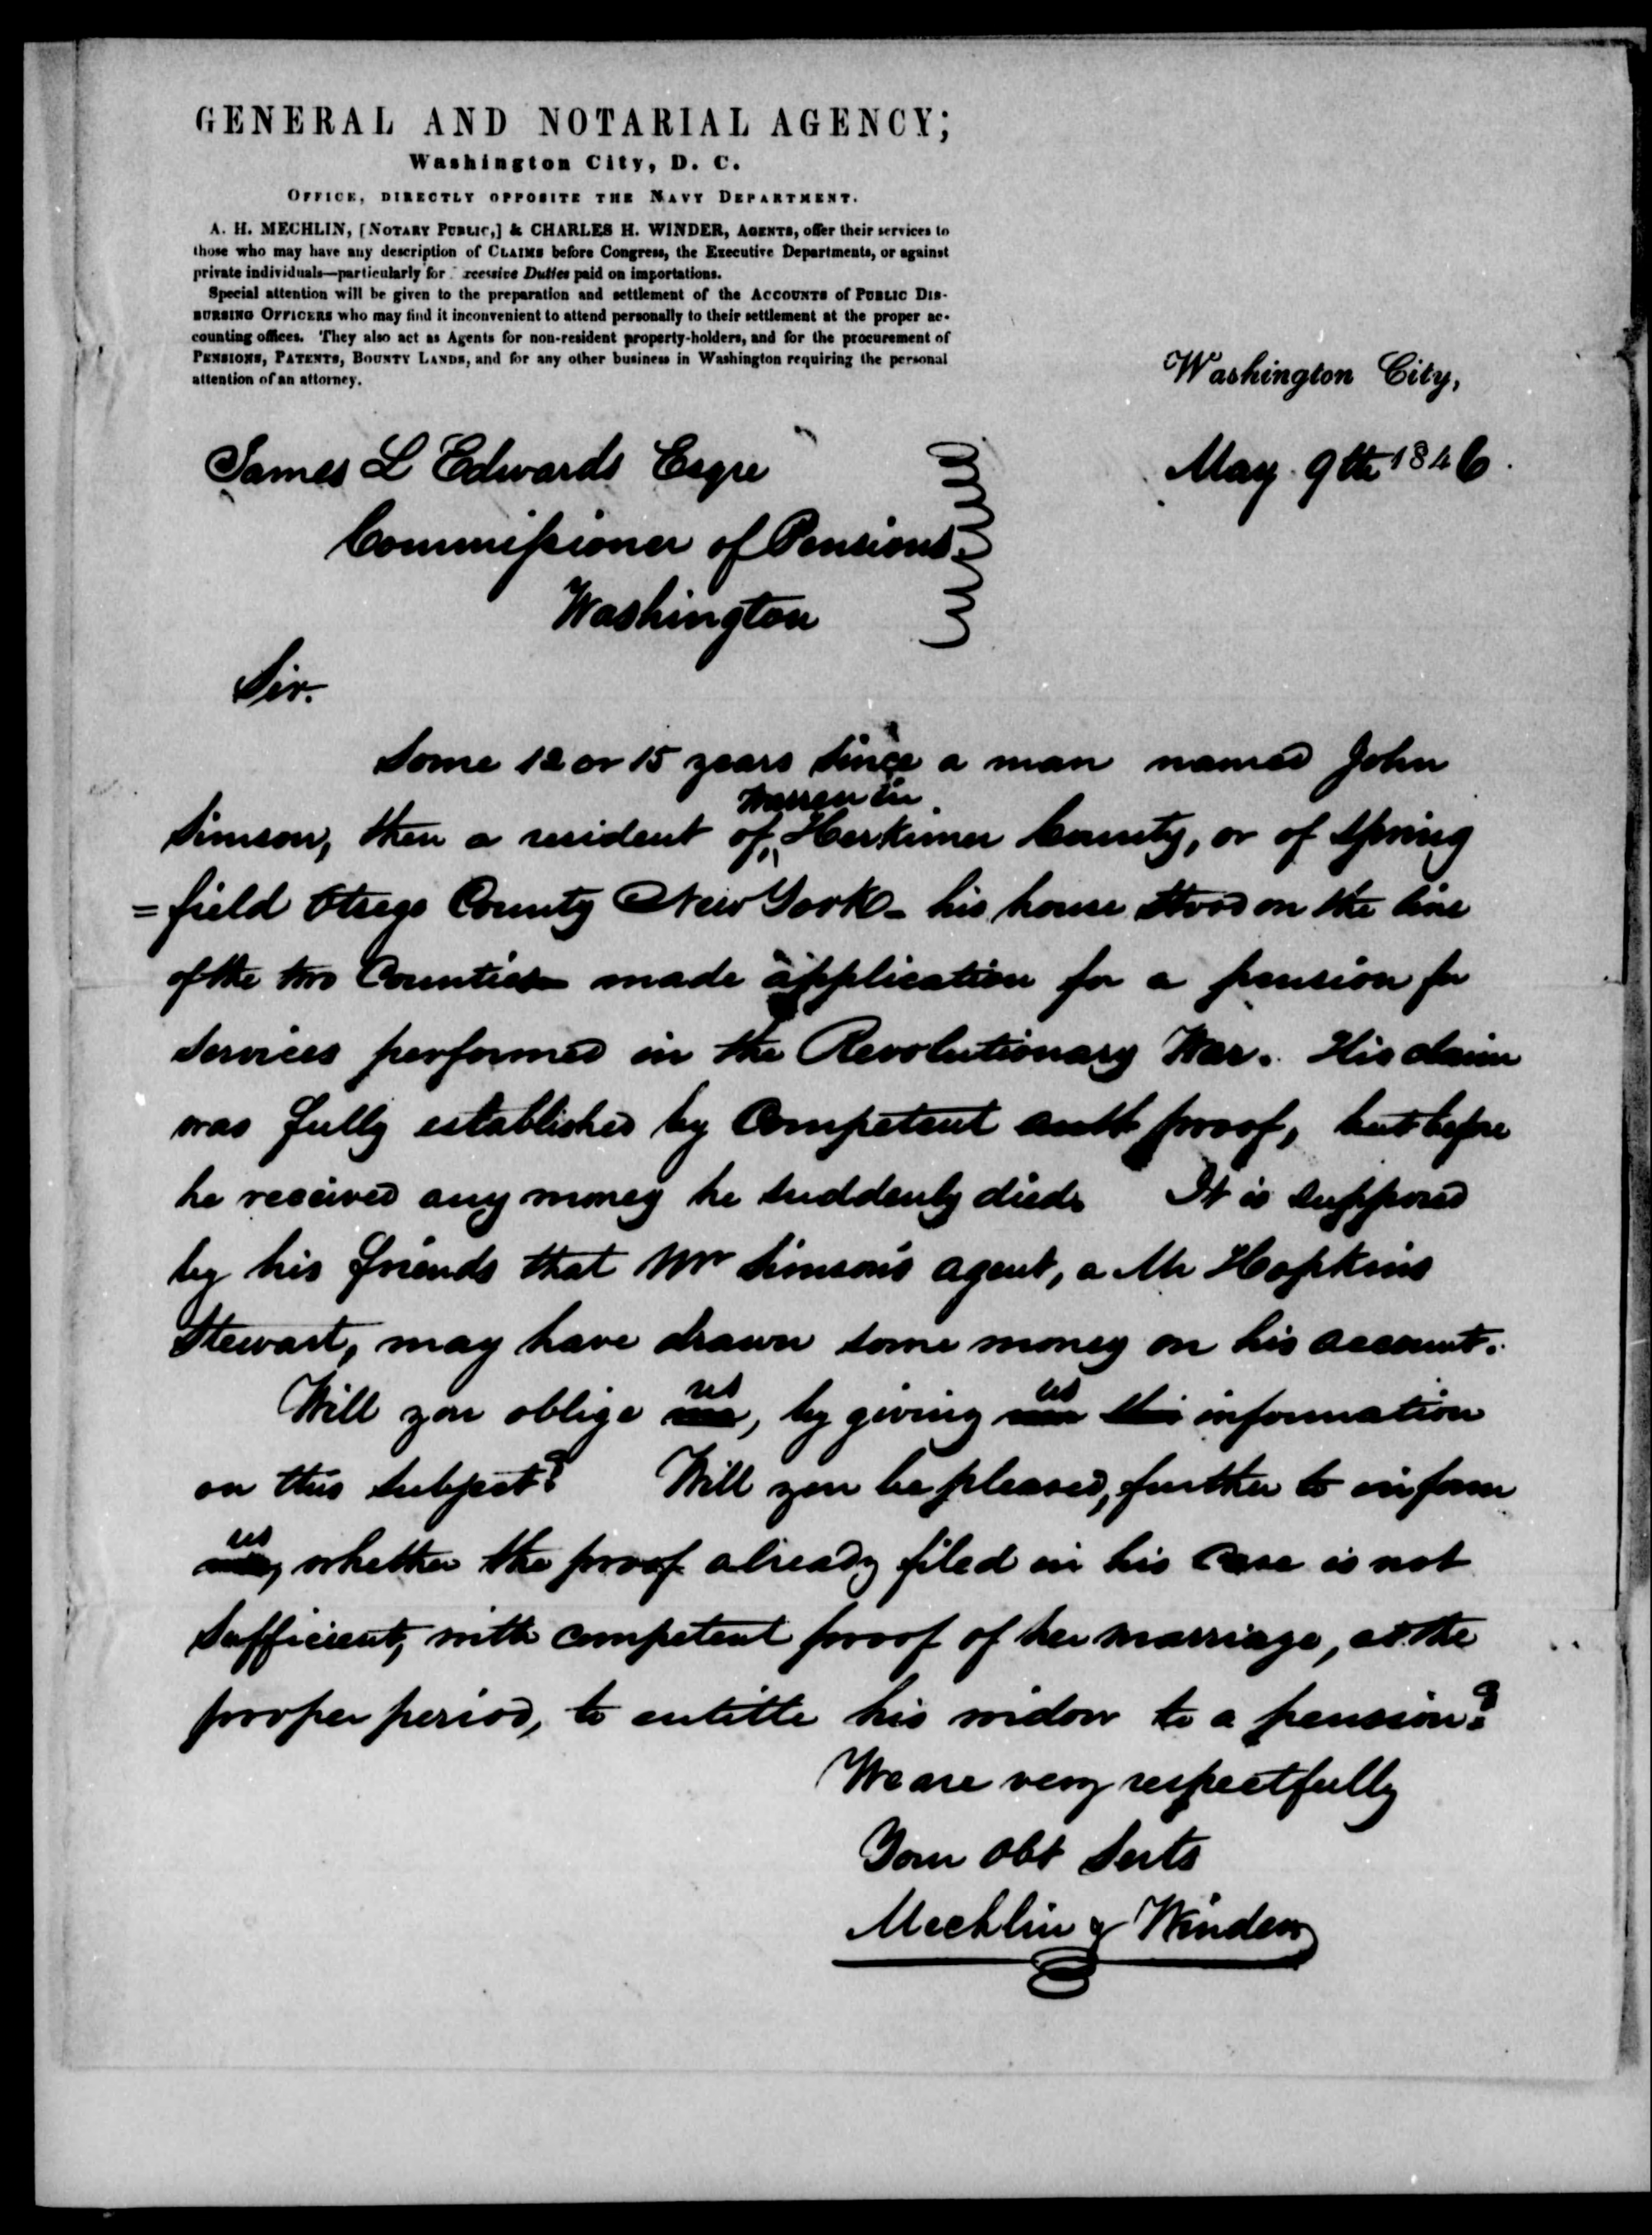GENERAL AND NOTARIAL AGENCY
Washington City, D. C.
OFFICE, DIRECTLY OPPOSITE THE NAVY DEPARTMENT.
A. MECHLIN, NOTARY PUBLIC & CHARLES H. WINDER AGENTS, offer their services to
those who may have any description of CLAIMS before Congress, the Executive Departments, or against private individuals -- particularly for receive Duties paid on importations. Special attention will be given to the preparation and settlement of the ACCOUNTS of PUBLIC DISBURSING OFFICERS who may find it inconvenient to attend personally to their settlement at the proper accounting offices. They also act as Agents for non-resident property-holders, and for the procurement of PENSIONS, PATENTS, BOUNTY LANDS, and for any other business in Washington requiring the personal attention of an attorney.

Washington City
May 9th 1846

James L Edwards Esqr
Commissioner of Pensions
Washington 
Sir
Some 12 or 15 years since a man named John
Simson, then a resident of Warren Herkimer County, or of Springfield Otsego County New York, his house stood on the line of the two Counties made application for a pension for
services performed in the Revolutionary War. His claim was fully established by competent auth proof, but before he received any money he suddenly died It is supposed by his friends that Mr Simson's agent, a Mr Simson's agent, a Mr  Hopkin's Stewart, may have drawn some money in his account.
Will you oblige us, by giving us information
on this subject Will you be pleased, further to inform us whether the proof already filed in his case is not sufficient, with competent proof of her marriage, as the proper period, to entitle his widow to a pension?
We are very respectfully
Your Obt Serts
Meckling Winder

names: John Simson; A H Mechlin; Hopkins Stewart; Wm Simson; James L Edwards; [BLANK] Winder; Charles H Winder; [BLANK] Mechlin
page: 20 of 35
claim: rejected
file: R. 9601, for John Simson, New Jersey